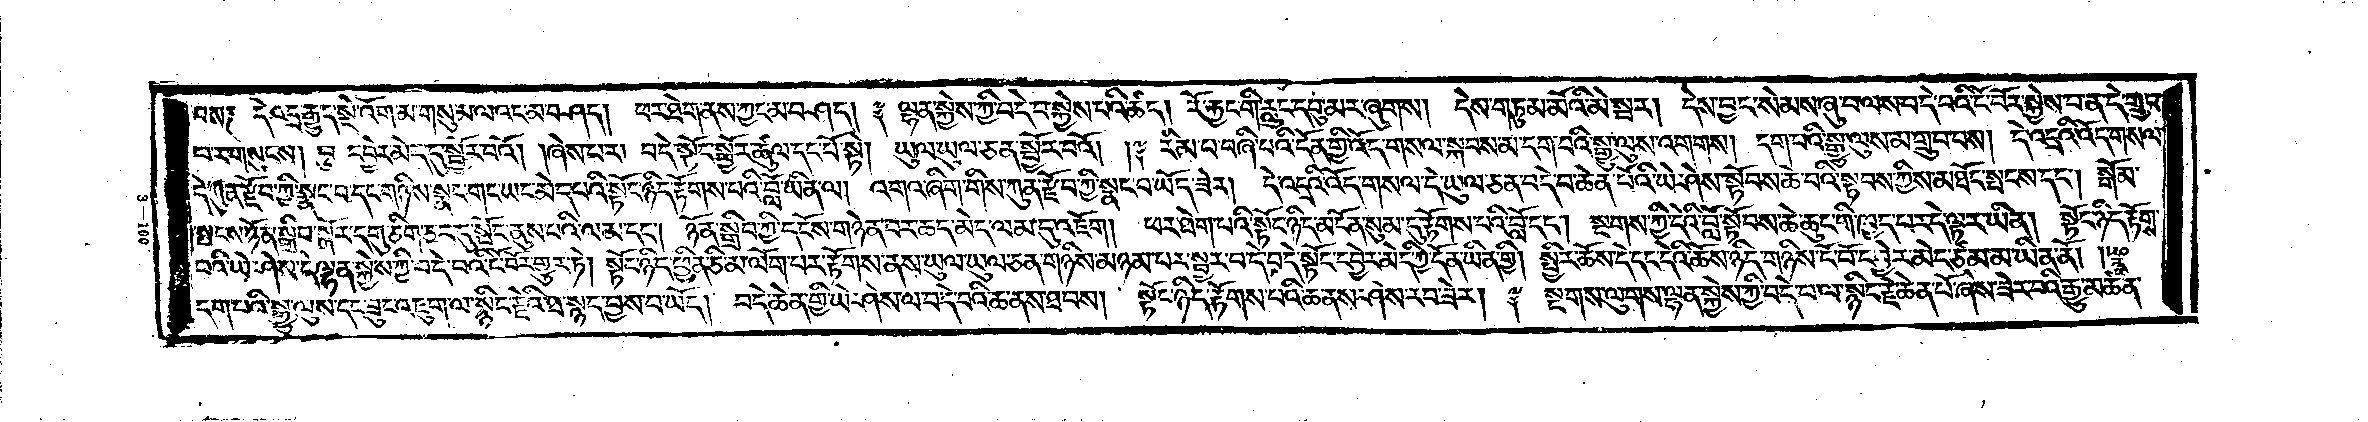བས༑ དེ་འདྲ་རྒྱུད་སྡེ་འོག་མ་གསུམ་ལའང་མ་བཤད། ཕར་ཐེག་ནས་ཀྱང་མ་བཤད། ༈ ལྷན་སྐྱེས་ཀྱི་བདེ་བ་སྐྱེས་པའི་ཚད། རོ་རྐྱང་གི་རླུང་དབུ་མར་ཞུགས། དེས་གཏུམ་མོའི་མེ་སྦར། དེས་བྱང་སེམས་ཞུ་བ་ལས་བདེ་བའི་ངོ་བོར་སྐྱེས་པ་ན་དེ་གྲུབ་
པར་གསུངས། བ༦་དབྱེར་མེད་དུ་སྦྱོར་བའོ། །ཞེས་པར། བདེ་སྟོང་སྦྱོར་ཚུལ་དང་པོ་སྟེ། ཡུལ་ཡུལ་ཅན་སྦྱོར་བའོ། །༈ རིམ་པ་བཞི་པའི་དོན་གྱི་འོད་གསལ་སྐབས་མ་དག་པའི་སྒྱུ་ལུས་འགགས། དག་པའི་སྒྱུ་ལུས་མ་གྲུབ་པས། དེ་འདྲའི་འོད་གསལ་
དེ་ཀུན་རྫོབ་ཀྱི་སྣང་བ་དང་གཉིས་སྣང་གང་ཡང་མེད་པའི་སྟོང་ཉིད་རྟོགས་པའི་བློ་ཡིན་ལ། འགའ་ཞིག་གིས་ཀུན་རྫོབ་ཀྱི་སྣང་བ་ཡོད་ཟེར། དེ་འདྲའི་འོད་གསལ་དེ་ཡུལ་ཅན་བདེ་བ་ཆེན་པོའི་ཡེ་ཤེས་སྟོབས་ཆེ་བའི་སྟབས་ཀྱིས་མཐོང་སྤངས་དང་། སྒོམ་
སྤངས་ཉོན་སྒྲིབ་སྒོར་དགུ་ཅིག་ཅང་དུ་སྤོང་ནུས་པའི་ལམ་དང་། ཉོན་སྒྲིབ་ཀྱི་དངོས་གཉེན་བར་ཆད་མེད་ལམ་དུ་འཇོག། ཕར་ཐེག་པའི་སྟོང་ཉིད་མངོན་སུམ་དུ་རྟོགས་པའི་བློ་དང་། སྔགས་ཀྱི་དེའི་བློ་སྟོབས་ཆེ་ཆུང་གི་ཁྱད་པར་དེ་ལྟར་ཡིན། སྟོང་ཉིད་རྟོགས་
བའི་ཡེ་ཤེས་དེ་ལྷན་སྐྱེས་ཀྱི་བདེ་བའི་ངོ་བོར་གྱུར་ཏེ། སྟོང་ཉིད་ཕྱིན་ཅི་མ་ལོག་པར་རྟོགས་ནས་ཡུལ་ཡུལ་ཅན་གཉིས་མཉམ་པར་སྦྱར་བ་དེ་བདེ་སྟོང་དབྱེར་མེད་ཀྱི་དོན་ཡིན་གྱི། སྤྱིར་ཆོས་དེ་དང་དེའི་ཆོས་ཉིད་གཉིས་ངོ་བོ་དབྱེར་མེད་ཙམ་མ་ཡིན་ནོ། །༥༠ན༢
དག་པའི་སྒྱུ་ལུས་དང་ཟུང་འཇུག་ལ་སྙིང་རྗེའི་ཐ་སྙད་བྱས་པ་ཡོད། བདེ་ཆེན་གྱི་ཡེ་ཤེས་ལ་བདེ་བའི་ཆ་ནས་ཐབས། སྟོང་ཉིད་རྟོགས་པའི་ཆ་ནས་ཤེས་རབ་ཟེར། ༈ སྔགས་ལུགས་ལྷན་སྐྱེས་ཀྱི་བདེ་པ་ལ་སྙིང་རྗེ་ཆེན་པོ་ཞེས་ཟེར་བའི་རྒྱུ་མཚན་